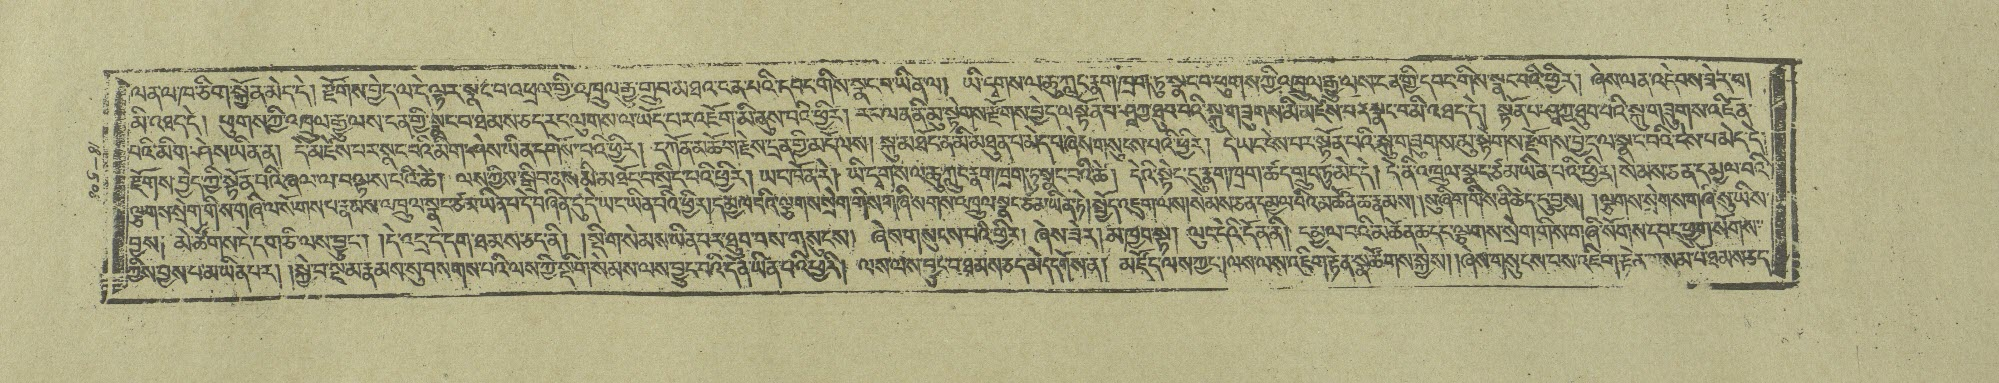ལན་ལ་ཁ་ཅིག་སྐྱོན་མེད་དེ། རྫོགས་བྱེད་ལ་དེ་ལྟར་སྣང་བ་འཕྲལ་གྱི་འཁྲུལ་རྒྱུ་གྲུབ་མཐའ་ངན་པའི་དབང་གིས་སྣང་བ་ཡིན་ལ། ཡི་དྭགས་ལ་ཆུ་ཀླུང་རྣག་ཁྲག་ཏུ་སྣང་བ་ཕུགས་ཀྱི་འཁྲུལ་རྒྱུ་ལས་ངན་གྱི་དབང་གིས་སྣང་བའི་ཕྱིར། ཞེས་ལན་འདེབས་ཟེར་བ།
མི་འཐད་དེ། ཕུགས་ཀྱི་འཁྲུལ་རྒྱུ་ལས་ངན་གྱི་སྣང་བ་ཐམས་ཅད་རང་ལུགས་ལ་ཡོད་པར་འཇོག་མི་ནུས་པའི་ཕྱིར། རང་ལན་ནི་མུ་སྟེགས་རྫོགས་བྱེད་ལ་སྟོན་པ་ཤཱཀྱ་ཐུབ་པའི་སྐུ་གཟུགས་མི་མཛེས་པར་སྣང་བ་མི་འཐད་དེ། སྟོན་པ་ཤཱཀྱ་ཐུབ་པའི་སྐུ་གཟུགས་འཛིན་
པའི་མིག་ཤེས་ཡིན་ན། དེ་མཛེས་པར་སྣང་བའི་མིག་ཤེས་ཡིན་དགོས་པའི་ཕྱིར། དཀོན་མཆོག་རྗེས་དྲན་གྱི་མདོ་ལས། སྐུ་མཐོང་ན་མི་མཐུན་པ་མེད་པ་ཞེས་གསུངས་པའི་ཕྱིར། དེ་ཡང་ངེས་པར་སྟོན་པའི་སྐུ་གཟུགས་མུ་སྟེགས་རྫོགས་བྱེད་ལ་སྣང་བའི་ངེས་པ་མེད་དེ་
རྫོགས་བྱེད་ཀྱི་སྟོན་པའི་ཞལ་ལ་བལྟས་པའི་ཚེ། ལས་ཀྱིས་སྒྲིབ་ནས་མི་མཐོང་བ་སྲིད་པའི་ཕྱིར། ཡང་ཁོ་ན་རེ། ཡི་དྭགས་ལ་ཆུ་ཀླུང་རྣག་ཁྲག་ཏུ་སྣང་བའི་ཚེ། དེའི་སྟེང་དུ་རྣག་ཁྲག་ཚད་གྲུབ་ཏུ་མེད་དེ། དེ་ནི་འཁྲུལ་སྣང་ཙམ་ཡིན་པའི་ཕྱིར། སེམས་ཅན་དམྱལ་བའི་
ལྕགས་སྲེག་གིས་གཞི་ལ་སོགས་པ་རྣམས་འཁྲུལ་སྣང་ཙམ་ཡིན་པ་དེ་བཞིན་དུ་དེ་ཡང་ཡིན་པའི་ཕྱིར། དམྱལ་བའི་ལྕགས་སྲེག་གིས་གཞི་སོགས་འཁྲུལ་སྣང་ཙམ་ཡིན་ཏེ། སྤྱོད་འཇུག་ལས། སེམས་ཅན་དམྱལ་བའི་མཚོན་ཆ་རྣམས། །སུ་ཞིག་གིས་ནི་ཆེད་དུ་བྱས། །ལྕགས་སྲེག་ས་གཞི་སུ་ཡིས་
བྱས། མེ་ཚོགས་དེ་དག་ཅི་ལས་བྱུང་། །དེ་འདྲ་དེ་དག་ཐམས་ཅད་ནི། །སྡིག་སེམས་ཡིན་པར་ཐུབ་པས་གསུངས། ཞེས་གསུངས་པའི་ཕྱིར། ཞེས་ཟེར། མ་ཁྱབ་སྟེ། ལུང་དེའི་དོན་ནི། དམྱལ་བའི་མཚེན་ཆ་དང་ལྕགས་སྲེག་གིས་གཞི་སོགས་དབང་ཕྱུག་སོགས་
ཀྱིས་བྱས་པ་མ་ཡིན་པར། །སྐྱེ་བ་སྔ་མ་རྣམས་སུ་བསགས་པའི་ལས་ཀྱི་སྡིག་སེམས་ལས་བྱུང་བའི་དོན་ཡིན་པའི་ཕྱིར། ལས་ལས་བྱུང་བ་ཐམས་ཅད་མེད་དགོས་ན། མཛོད་ལས་ཀྱང་། ལས་ལས་འཇིག་རྟེན་སྣ་ཚོགས་སྐྱེས། །ཞེས་གསུངས་པས་འཇིག་རྟེན་གསུམ་པོ་ཐམས་ཅད་